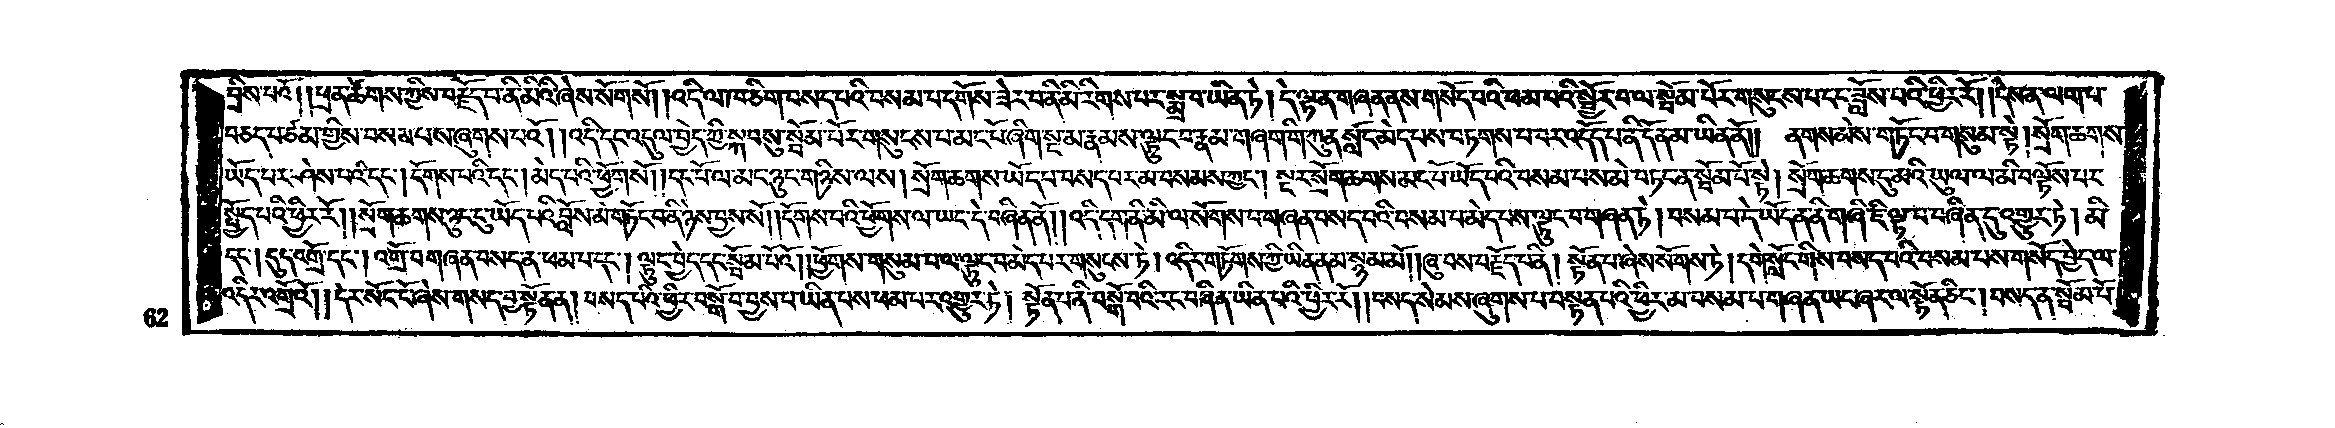བྲིས་པའོ། །ཕྲན་ཚེགས་ཀྱིས་བརྗོད་པ་ནི་མིའི་ཞེས་སོགས་སོ། །འདི་ལ་ཁ་ཅིག་བསད་པའི་བསམ་པ་དགོས་ཟེར་བ་ནི་མི་རིགས་པར་སྨྲ་བ་ཡིན་ཏེ། དེ་ལྟ་ན་གཞན་ནས་གསོད་པའི་ཕམ་པའི་སྦྱོར་བ་ལ་སྦོམ་པོར་གསུངས་པ་དང་ཟློས་པའི་ཕྱིར་རོ། །དེས་ན་ལག་པ་
བཅད་པ་ཙམ་གྱིས་བསམ་པས་ཞུགས་པའོ། །འདི་དང་འདུལ་བྱེད་ཀྱི་སྐབས་སུ་སྦོམ་པོར་གསུངས་པ་མང་པོ་ཞིག་སྔ་མ་རྣམས་ལྟུང་བ་རྣམ་གཞག་གི་ཀུན་སློང་མེད་པས་བཏགས་པ་བར་འདོད་པ་ནི་དོན་མ་ཡིན་ནོ།། ནགས་མེས་གཏོང་བ་གསུམ་སྟེ། སྲོག་ཆགས་
ཡོད་པར་ཤེས་པའི་དང་། དོགས་པའི་དང་། མེད་པའི་ཕྱོགས་སོ། །དང་པོ་ལ་མང་ཉུང་གཉིས་ལས། སྲོག་ཆགས་ཡོད་པ་བསད་པར་མ་བསམས་ཀྱང་། སྔར་སྲོག་ཆགས་མང་པོ་ཡོད་པའི་བསམ་པས་མེ་བཏང་ན་སྦོམ་པོ་སྟེ། སྲོག་ཆགས་དུ་མའི་ཡུལ་ལ་མི་བལྟོས་པར་
སྤྱོད་པའི་ཕྱིར་རོ། །སྲོག་ཆགས་ཉུང་ངུ་ཡོད་པའི་བློས་མེ་གཏོང་བ་ནི་ཉེས་བྱས་སོ། །དོགས་པའི་ཕྱོགས་ལ་ཡང་དེ་བཞིན་ནོ། །འདི་དག་ནི་མི་ལ་སོགས་པ་གཞན་བསད་པའི་བསམ་པ་མེད་པས་ལྟུང་བ་གཞན་ཏེ། བསམ་པ་དེ་ཡོད་ན་ནི་གཞི་ཇི་ལྟ་བ་བཞིན་དུ་འགྱུར་ཏེ། མི་
དང་། དུད་འགྲོ་དང་། འགྲོ་བ་གཞན་བསད་ན་ཕམ་པ་དང་། ལྟུང་བྱེད་དང་སྦོམ་པོའོ། །ཕྱོགས་གསུམ་པ་ལ་ལྟུང་བ་མེད་པར་གསུངས་ཏེ། འདིར་གཏོགས་ཀྱི་ཡིན་ནམ་སྙམ་མོ། །ཞུ་བས་བརྗོད་པ་ནི། སྟོན་པ་ཞེས་སོགས་ཏེ། དགེ་སློང་གིས་བསད་པའི་བསམ་པས་གསོད་བྱེད་ལ་
འདིར་འགྲོའོ། །དེར་སོང་ངོ་ཞེས་གསད་བྱ་སྟོན་ན། གསད་པའི་ཕྱིར་བསྒོ་བ་བྱས་པ་ཡིན་པས་ཕམ་པར་འགྱུར་ཏེ། སྟོན་པ་ནི་བསྒོ་བའི་རང་བཞིན་ཡིན་པའི་ཕྱིར་རོ། །བསད་སེམས་ཞུགས་པ་བསྟན་པའི་ཕྱིར་མ་བསམ་པ་གཞན་ཡང་ཞར་ལ་སྟོན་ཅིང་། བསད་ན་སྦོམ་པོ་